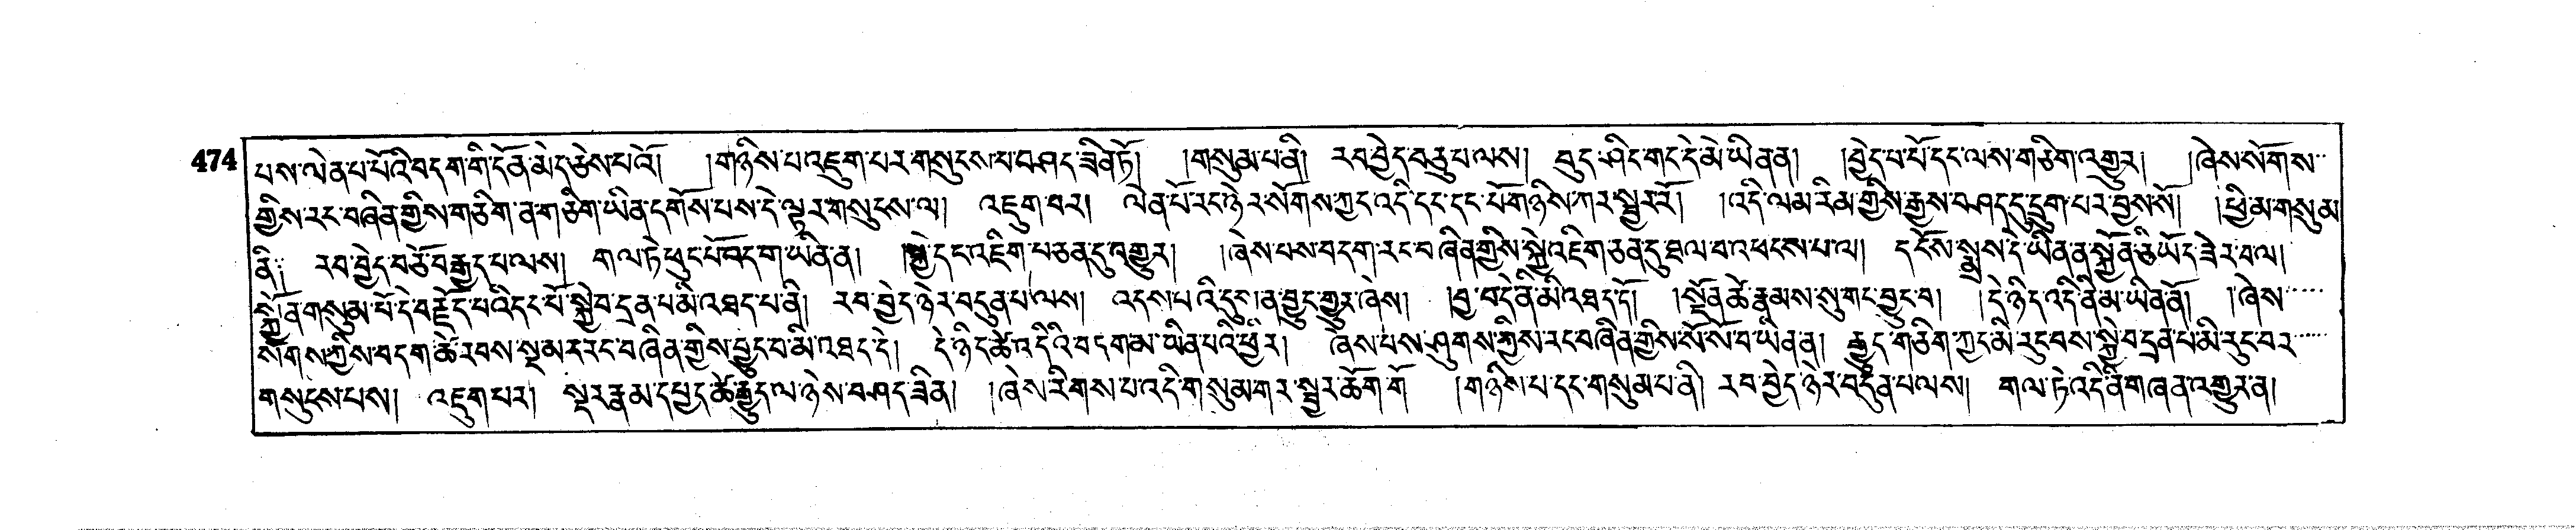པས་ལེན་པ་པོའི་བདག་གི་དོན་མེད་ཅེས་པའོ། །གཉིས་པ་འཇུག་པར་གསུངས་པ་བཤད་ཟིན་ཏོ། །གསུམ་པ་ནི། རབ་བྱེད་བཅུ་པ་ལས། བུད་ཤིང་གང་དེ་མེ་ཡིན་ན། །བྱེད་པ་པོ་དང་ལས་གཅིག་འགྱུར། །ཞེས་སོགས་
གྱིས་རང་བཞིན་གྱིས་གཅིག་ན་གཅིག་ཡིན་དགོས་པས་དེ་ལྟར་གསུངས་ལ། འཇུག་པར། ལེན་པོ་རང་ཉེར་སོགས་ཀྱང་འདི་དང་དང་པོ་གཉིས་ཀར་སྦྱར་རོ། །འདི་ལམ་རིམ་གྱིས་རྒྱས་བཤད་དུ་དྲུག་པར་བྱས་སོ། །ཕྱི་མ་གསུམ་
ནི། རབ་བྱེད་བཅོ་བརྒྱད་པ་ལས། གལ་ཏེ་ཕུང་པོ་བདག་ཡིན་ན། །སྐྱེ་དང་འཇིག་པ་ཅན་དུ་འགྱུར། །ཞེས་པས་བདག་རང་བཞིན་གྱིས་སྐྱེ་འཇིག་ཅན་དུ་ཐལ་བ་འཕངས་པ་ལ། དངོས་སྨྲས་དེ་ཡིན་ན་སྐྱོན་ཅི་ཡོད་ཟེར་བ་ལ།
སྐྱོན་གསུམ་པོ་དེ་བརྗོད་པའི་དང་པོ་སྐྱེ་བ་དྲན་པ་མི་འཐད་པ་ནི། རབ་བྱེད་ཉེར་བདུན་པ་ལས། འདས་པའི་དུས་ན་བྱུང་གྱུར་ཞེས། །བྱ་བ་དེ་ནི་མི་འཐད་དོ། །སྔོན་ཚེ་རྣམས་སུ་གང་བྱུང་བ། །དེ་ཉིད་འདི་ནི་མ་ཡིན་ནོ། །ཞེས་
སོགས་ཀྱིས་བདག་ཚེ་རབས་སྔ་མར་རང་བཞིན་གྱིས་བྱུང་བ་མི་འཐད་དེ། དེ་ཉིད་ཚེ་འདིའི་བདག་མ་ཡིན་པའི་ཕྱིར། ཞེས་པས་ཤུགས་ཀྱིས་རང་བཞིན་གྱིས་སོ་སོ་བ་ཡིན་ན། རྒྱུད་གཅིག་ཀྱང་མི་རུང་བས་སྐྱེ་བ་དྲན་པ་མི་རུང་བར་
གསུངས་པས། འཇུག་པར། སྡེར་རྣམ་དཔྱད་ཚེ་རྒྱུད་ལ་ཉེས་བཤད་ཟིན། །ཞེས་རིགས་པ་འདི་གསུམ་གར་སྦྱར་ཆོག་གོ །གཉིས་པ་དང་གསུམ་པ་ནི། རབ་བྱེད་ཉེར་བདུན་པ་ལས། གལ་ཏེ་འདི་ནི་གཞན་འགྱུར་ན།